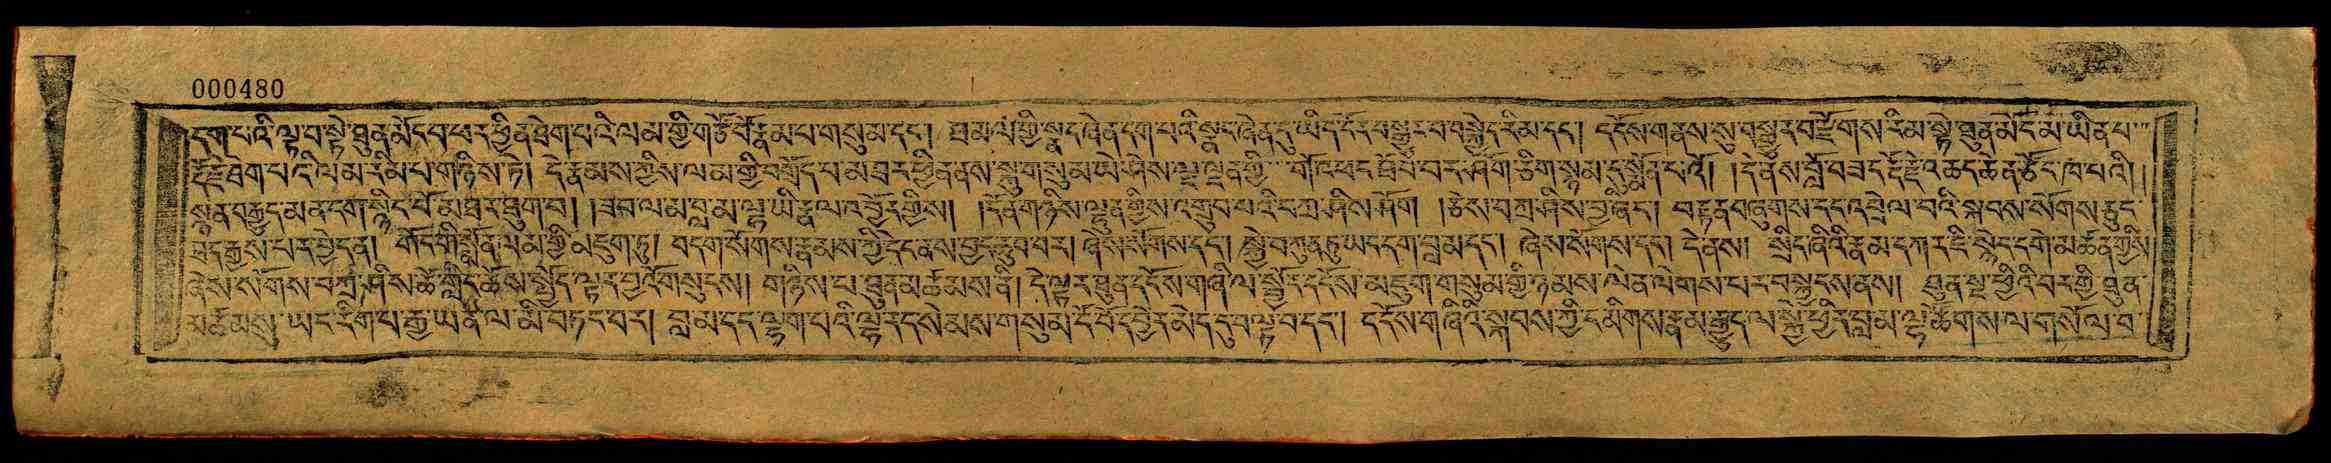དག་པའི་ལྟ་བ་སྟེ་ཐུན་མོང་བ་ཕར་ཕྱིན་ཐེག་པའི་ལམ་གྱི་གཙོ་བོ་རྣམ་པ་གསུམ་དང་། ཐ་མལ་གྱི་སྣང་ཞེན་དག་པའི་སྣང་ཞེན་དུ་ཡིད་ངོར་བསྒྱུར་བ་བསྐྱེད་རིམ་དང་། དངོས་གནས་སུ་བསྒྱུར་བ་རྫོགས་རིམ་སྟེ་ཐུན་མོང་མ་ཡིན་པ་
རྡོ་རྗེ་ཐེག་པའི་ལམ་རིམ་པ་གཉིས་ཏེ། དེ་རྣམས་ཀྱི་ལམ་གྱི་བགྲོད་པ་མཐར་ཕྱིན་ནས་སྐུ་གསུམ་ཡེ་ཤེས་ལྔ་ལྡན་གྱི་གོ་འཕང་ཐོབ་པར་ཤོག་ཅིག་སྙམ་དུ་སྨོན་པའོ། །དེ་ནས་བློ་བཟང་རྡོ་རྗེ་འཆང་ཆེན་ཙོང་ཁ་པའི། །
སྙན་བརྒྱུད་མན་ངག་སྙིང་པོ་མཐར་ཐུག་པ། །ཟབ་ལམ་བླ་མ་ལྷ་ཡི་རྣལ་འབྱོར་གྱིས། །དོན་གཉིས་ལྷུན་གྱིས་འགྲུབ་པའི་བཀྲ་ཤིས་ཤོག །ཅེས་བཀྲ་ཤིས་བྱ་ཞིང་། བརྟན་བཞུགས་དང་འབྲེལ་བའི་སྐབས་སོགས་ཅུང་
ཟད་རྒྱས་པར་བྱེད་ན། གོང་གི་སྨོན་ལམ་གྱི་མཇུག་ཏུ། བདག་སོགས་རྣམས་ཀྱི་དེང་ནས་བྱང་ཆུབ་བར། ཞེས་སོགས་དང་། སྐྱེ་བ་ཀུན་ཏུ་ཡང་དག་བླ་མ་དང་། ཞེས་སོགས་དང་། དེ་ནས། སྲིད་ཞིའི་རྣམ་དཀར་ཇི་སྙེད་དགེ་མཚན་གྱིས་
ཞེས་སོགས་བཀྲ་ཤིས་ཚེ་གླིང་ཆོས་སྤྱོད་ལྟར་བྱའོ་གསུངས། གཉིས་པ་ཐུན་མཚམས་ནི། དེ་ལྟར་ཐུན་དངོས་གཞི་ལ་སྦྱོར་དངོས་མཇུག་གསུམ་གྱི་ཉམས་ལེན་ལེགས་པར་བསྐྱངས་ནས། ཐུན་སྔ་ཕྱིའི་བར་གྱི་ཐུན་
མཚམས་སུ་ཡང་རིག་པ་རྒྱ་ཡན་ལ་མི་བཏང་བར། བླ་མ་དང་ལྷག་པའི་ལྷ་རང་སེམས་གསུམ་ངོ་བོ་དབྱེར་མེད་དུ་བལྟ་བ་དང་། དངོས་གཞིའི་སྐབས་ཀྱི་དམིགས་རྣམ་རྒྱུད་ལ་སྐྱེ་ཕྱིར་བླ་མ་ལྷ་ཚོགས་ལ་གསོལ་བ་